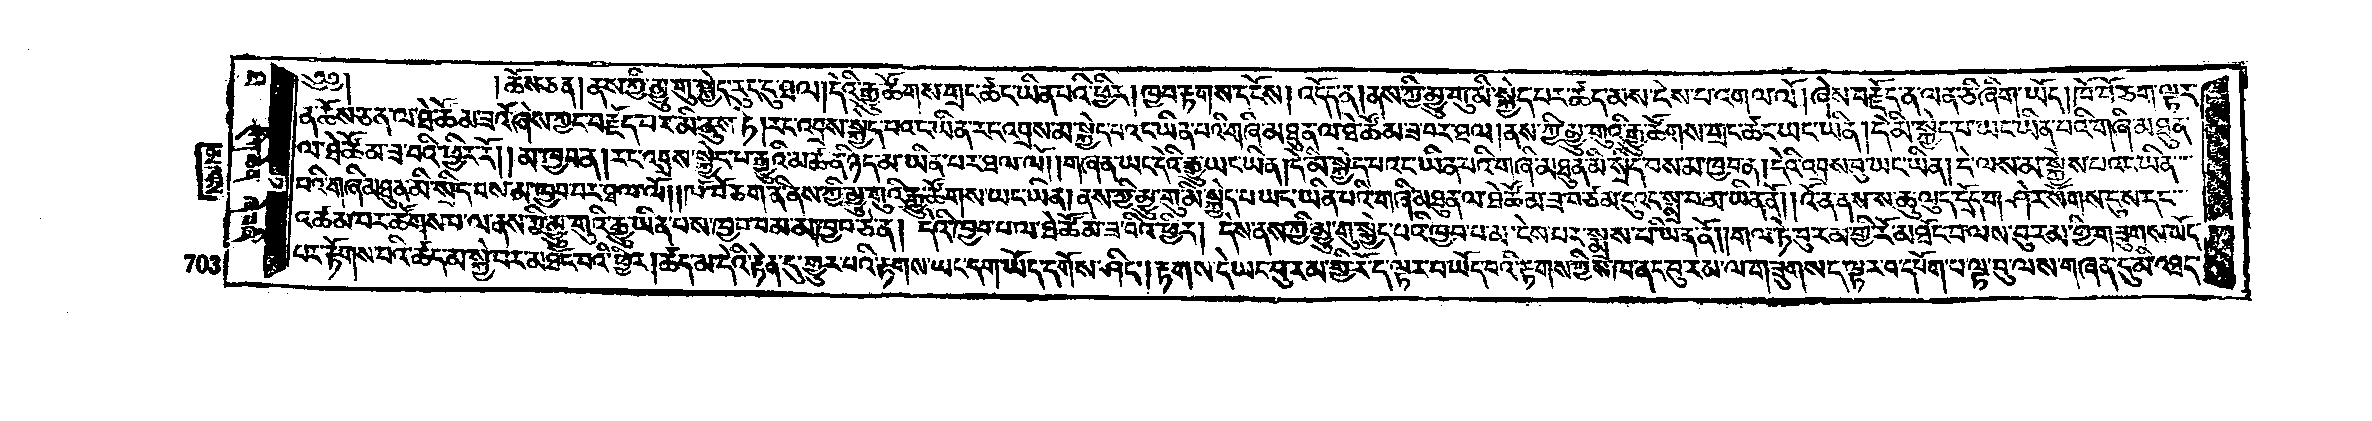༄༅། །ཆོས་ཅན། ནས་ཀྱི་མྱུ་གུ་སྐྱེད་རུང་དུ་ཐལ། དེའི་རྒྱུ་ཚོགས་གྲང་ཚང་ཡིན་པའི་ཕྱིར། ཁྱབ་རྟགས་དངོས། འདོད་ན། ནས་ཀྱི་མྱུ་གུ་མི་སྐྱེད་པར་ཚད་མས་ངེས་པ་འགལ་ལོ། ཞེས་བརྗོད་ན་ལན་ཅི་ཞིག་ཡོད། ཁོ་བོ་ཅག་ལྟར་
ན་ཆོས་ཅན་ལ་ཐེ་ཚོམ་ཟའོ་ཞེས་ཀྱང་བརྗོད་པར་མི་ནུས་ཏེ། རང་འབྲས་སྐྱེད་པའང་ཡིན་རང་འབྲས་མ་སྐྱེད་པའང་ཡིན་པའི་གཞི་མཐུན་ལ་ཐེ་ཚོམ་ཟ་བར་ཐལ། ནས་ཀྱི་མྱུ་གུའི་རྒྱུ་ཚོགས་གྲང་ཚང་ཡང་ཡིན། དེ་མི་སྐྱེད་པ་ཡང་ཡིན་པའི་གཞི་མཐུན་
ལ་ཐེ་ཚོམ་ཟ་བའི་ཕྱིར་རོ། །མ་ཁྱབ་ན། རང་འབྲས་སྐྱེད་པ་རྒྱུའི་མཚན་ཉིད་མ་ཡིན་པར་ཐལ་ལོ། །གཞན་ཡང་དེའི་རྒྱུ་ཡང་ཡིན། དེ་མི་སྐྱེད་པའང་ཡིན་པའི་གཞི་མཐུན་མི་སྲིད་བས་མ་ཁྱབ་ན། དེའི་འབྲས་བུ་ཡང་ཡིན། དེ་ལས་མ་སྐྱེས་པའང་ཡིན་
པའི་གཞི་མཐུན་མི་སྲིད་བས་མ་ཁྱབ་པར་ཐལ་ལོ། །ཁོ་བོ་ཅག་ནི་ནས་ཀྱི་མྱུ་གུའི་རྒྱུ་ཚོགས་ཡང་ཡིན། ནས་ཀྱི་མྱུ་གུ་མི་སྐྱེད་པ་ཡང་ཡིན་པའི་གཞི་མཐུན་ལ་ཐེ་ཚོམ་ཟ་བ་ཙམ་དུའང་སྨྲ་བ་མ་ཡིན་ནོ། །འོ་ན། ནས་ས་ཆུ་ལུད་དྲོད་གཤེར་སོགས་དུས་དང་
འཚམ་བར་ཚོགས་པ་ལ་ནས་ཀྱི་མྱུ་གུའི་རྒྱུ་ཡིན་པས་ཁྱབ་བམ་མ་ཁྱབ་ཅེ་ན། དེའི་ཁྱབ་པ་ལ་ཐེ་ཚོམ་ཟ་བའི་ཕྱིར། དེས་ནས་ཀྱི་མྱུ་གུ་སྐྱེད་པའི་ཁྱབ་པ་མ་ངེས་པར་སྨྲས་པ་ཡིན་ནོ། །གལ་ཏེ་བུ་རམ་གྱི་རོ་མཐོང་བ་ལས་བུ་རམ་གྱི་གཟུགས་ཡོད་
པར་རྟོགས་པའི་ཚད་མ་སྐྱེ་པར་མཐོང་བའི་ཕྱིར། ཚད་མ་དེའི་རྟེན་དུ་གྱུར་པའི་རྟགས་ཡང་དག་ཡོད་དགོས་ཤིང་། རྟགས་དེ་ཡང་བུ་རམ་གྱི་རོ་ད་ལྟར་བ་ཡོད་པའི་རྟགས་ཀྱིས་ཁ་ནང་བུ་རམ་ལ་གཟུགས་ད་ལྟར་བ་དཔོག་པ་ལྟ་བུ་ལས་གཞན་དུ་མི་འཐད་